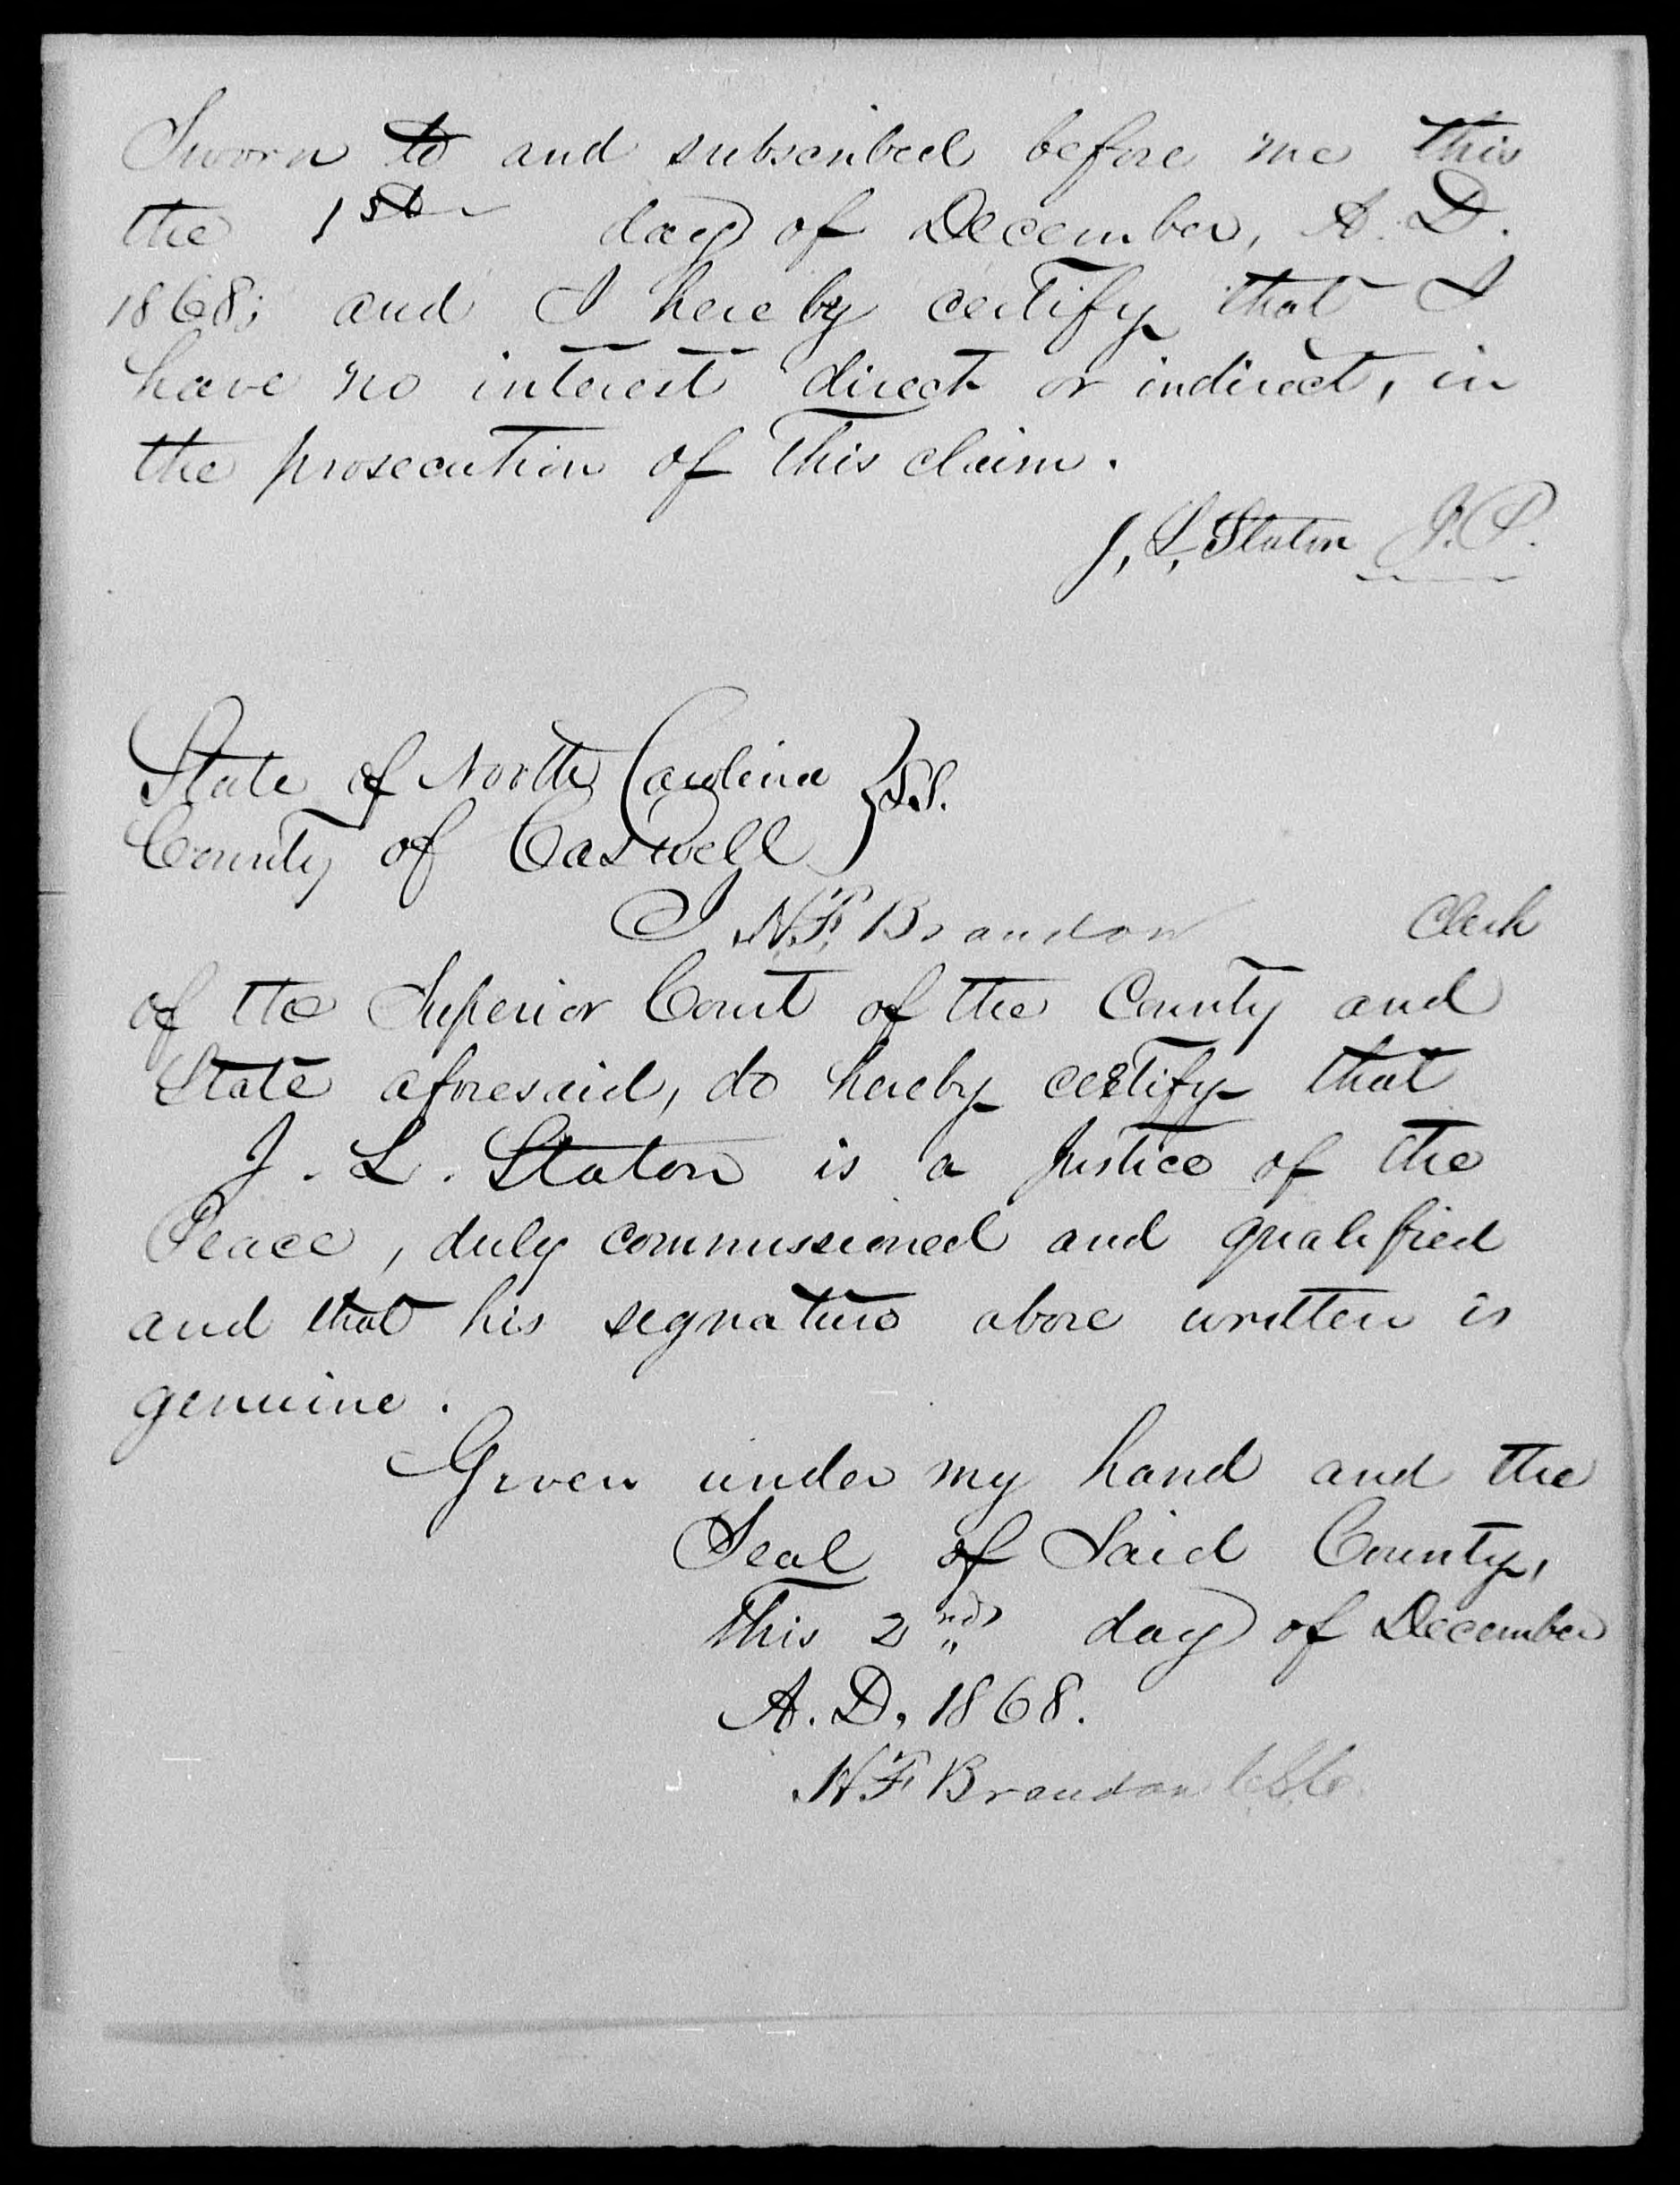Sworn to and subscribed before me this
1st day of December, A.D 1868; and I hereby certify that I have no interest direct or indirect, in the prosecution of this claim.
J. S. Staton J.P.
State of North Carolina SS
County of Caswell 
I, H. F. Brandon
Clerk of the Superior Court of the County and
State aforesaid, do hereby certify that
J. L. Staton is a Justice of the
Peace, duly commissioned and qualified
and that his signature above written is
genuine
Given under my hand and the Seal
of Said County
this 2nd day of Dec
A.D. 1868
H F Brandon [illegible initials possibly Stanton's]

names: J L Staton, H F Brandon, H F Brandon, J L Staton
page: 47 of 81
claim: widow's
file: W. 7262, Robert Ferguson, Va.